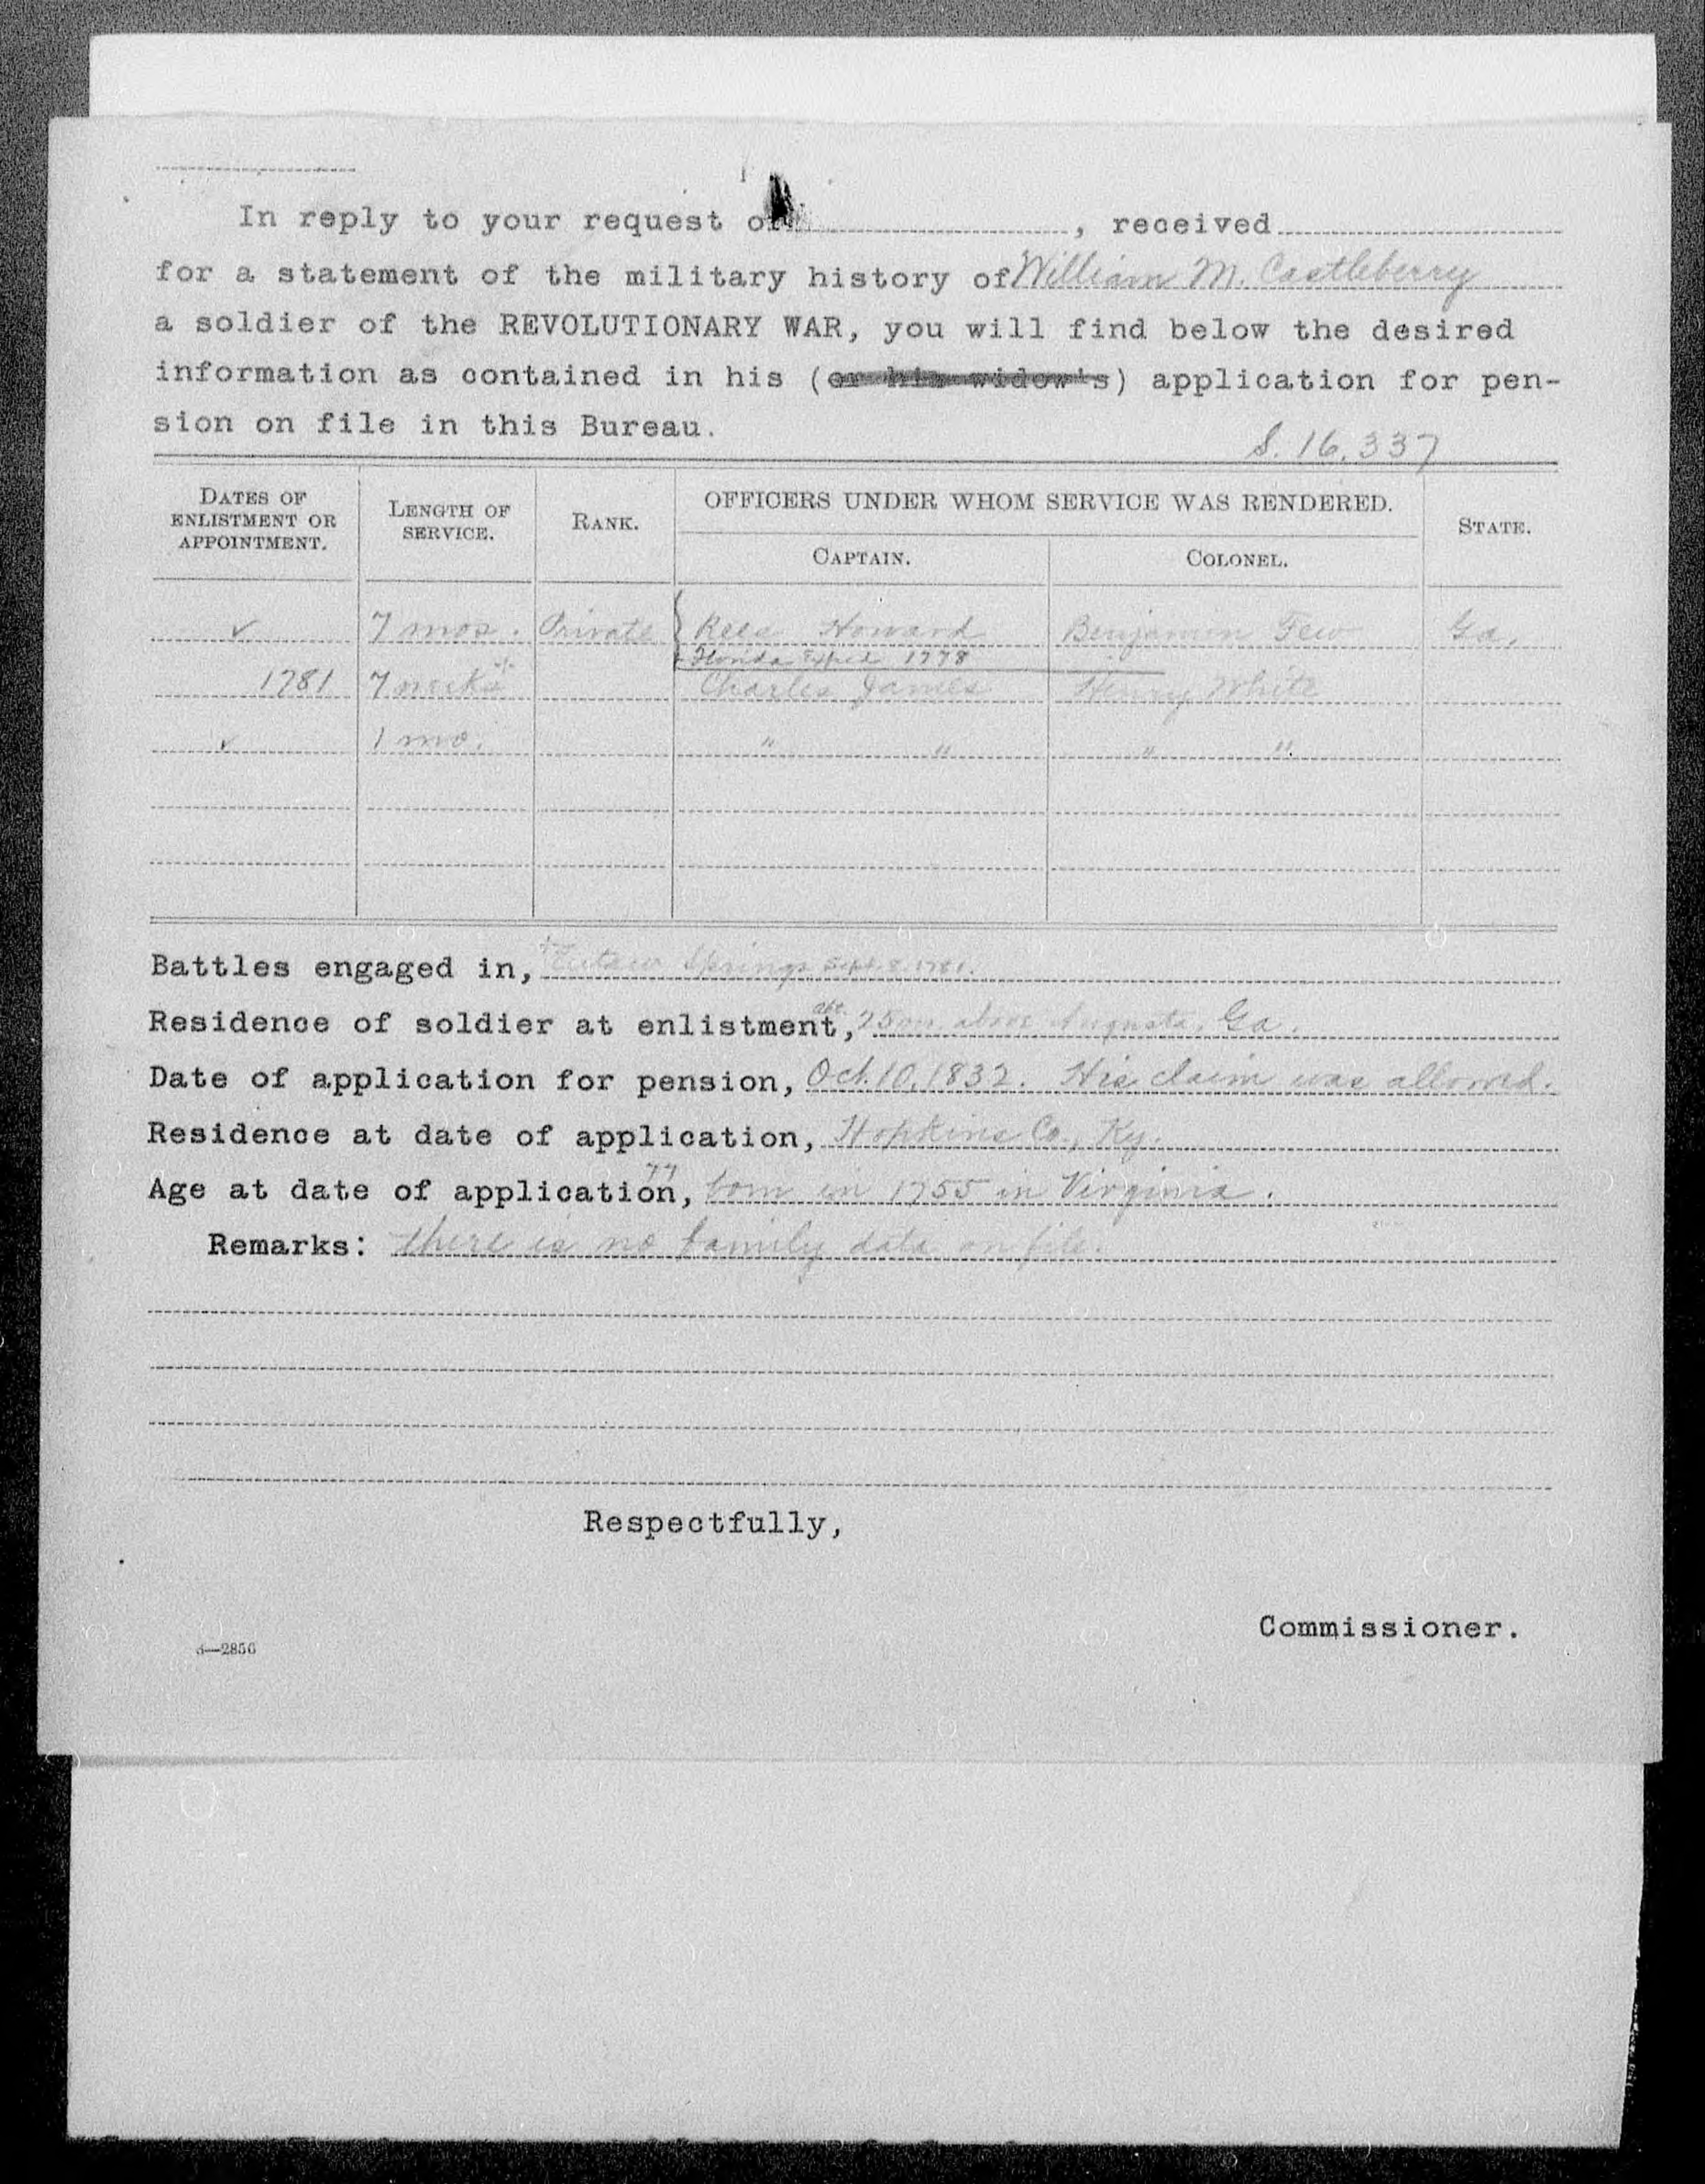In reply to your request of __________, received __________ for a statement of the military history of William M. Castleberry a soldier of the REVOLUTIONARY WAR, you will find below the desired information as contained in his (or his widow's) application for pension on file in this Bureau.
S. 16,337
[Column 1] DATES OF ENLISTMENT OR
APPOINTMENT.
[Checkmark]
1781
[Checkmark]
[Column 2] LENGTH OF SERVICE.
7 mos.
7 weeks
1 mo.
[Column 3] RANK.
Private
[Column 4] OFFICERS UNDER WHOM SERVICE WAS RENDERED.
[Column 4A] CAPTAIN.
Rees Howard Florida Exped 1778
Charles James
      "          "
[Column 4B] COLONEL.
Benjamin Few
Henry White
     "          "
[Column 5] STATE.
Ga.

Battles engaged in, Eutaw Springs Sept. 8,1781
Residence of soldier at enlistment, abt. 25 mi. above Augusta, Ga.
Date of application for pension, Oct. 10, 1832. His claim was allowed.
Residence at date of application, Hopkins Co. Ky.
Age at date of application, 77 born in 1755 in Virginia
Remarks: There is no family data on file.
Respectfully,
Commissioner.
3-2856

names: William M Castleberry, Henry White, Charles James, Rees Howard, Benjamin Fero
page: 14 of 20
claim: survivor's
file: S. 16,337, William M Castleberry, Ga.